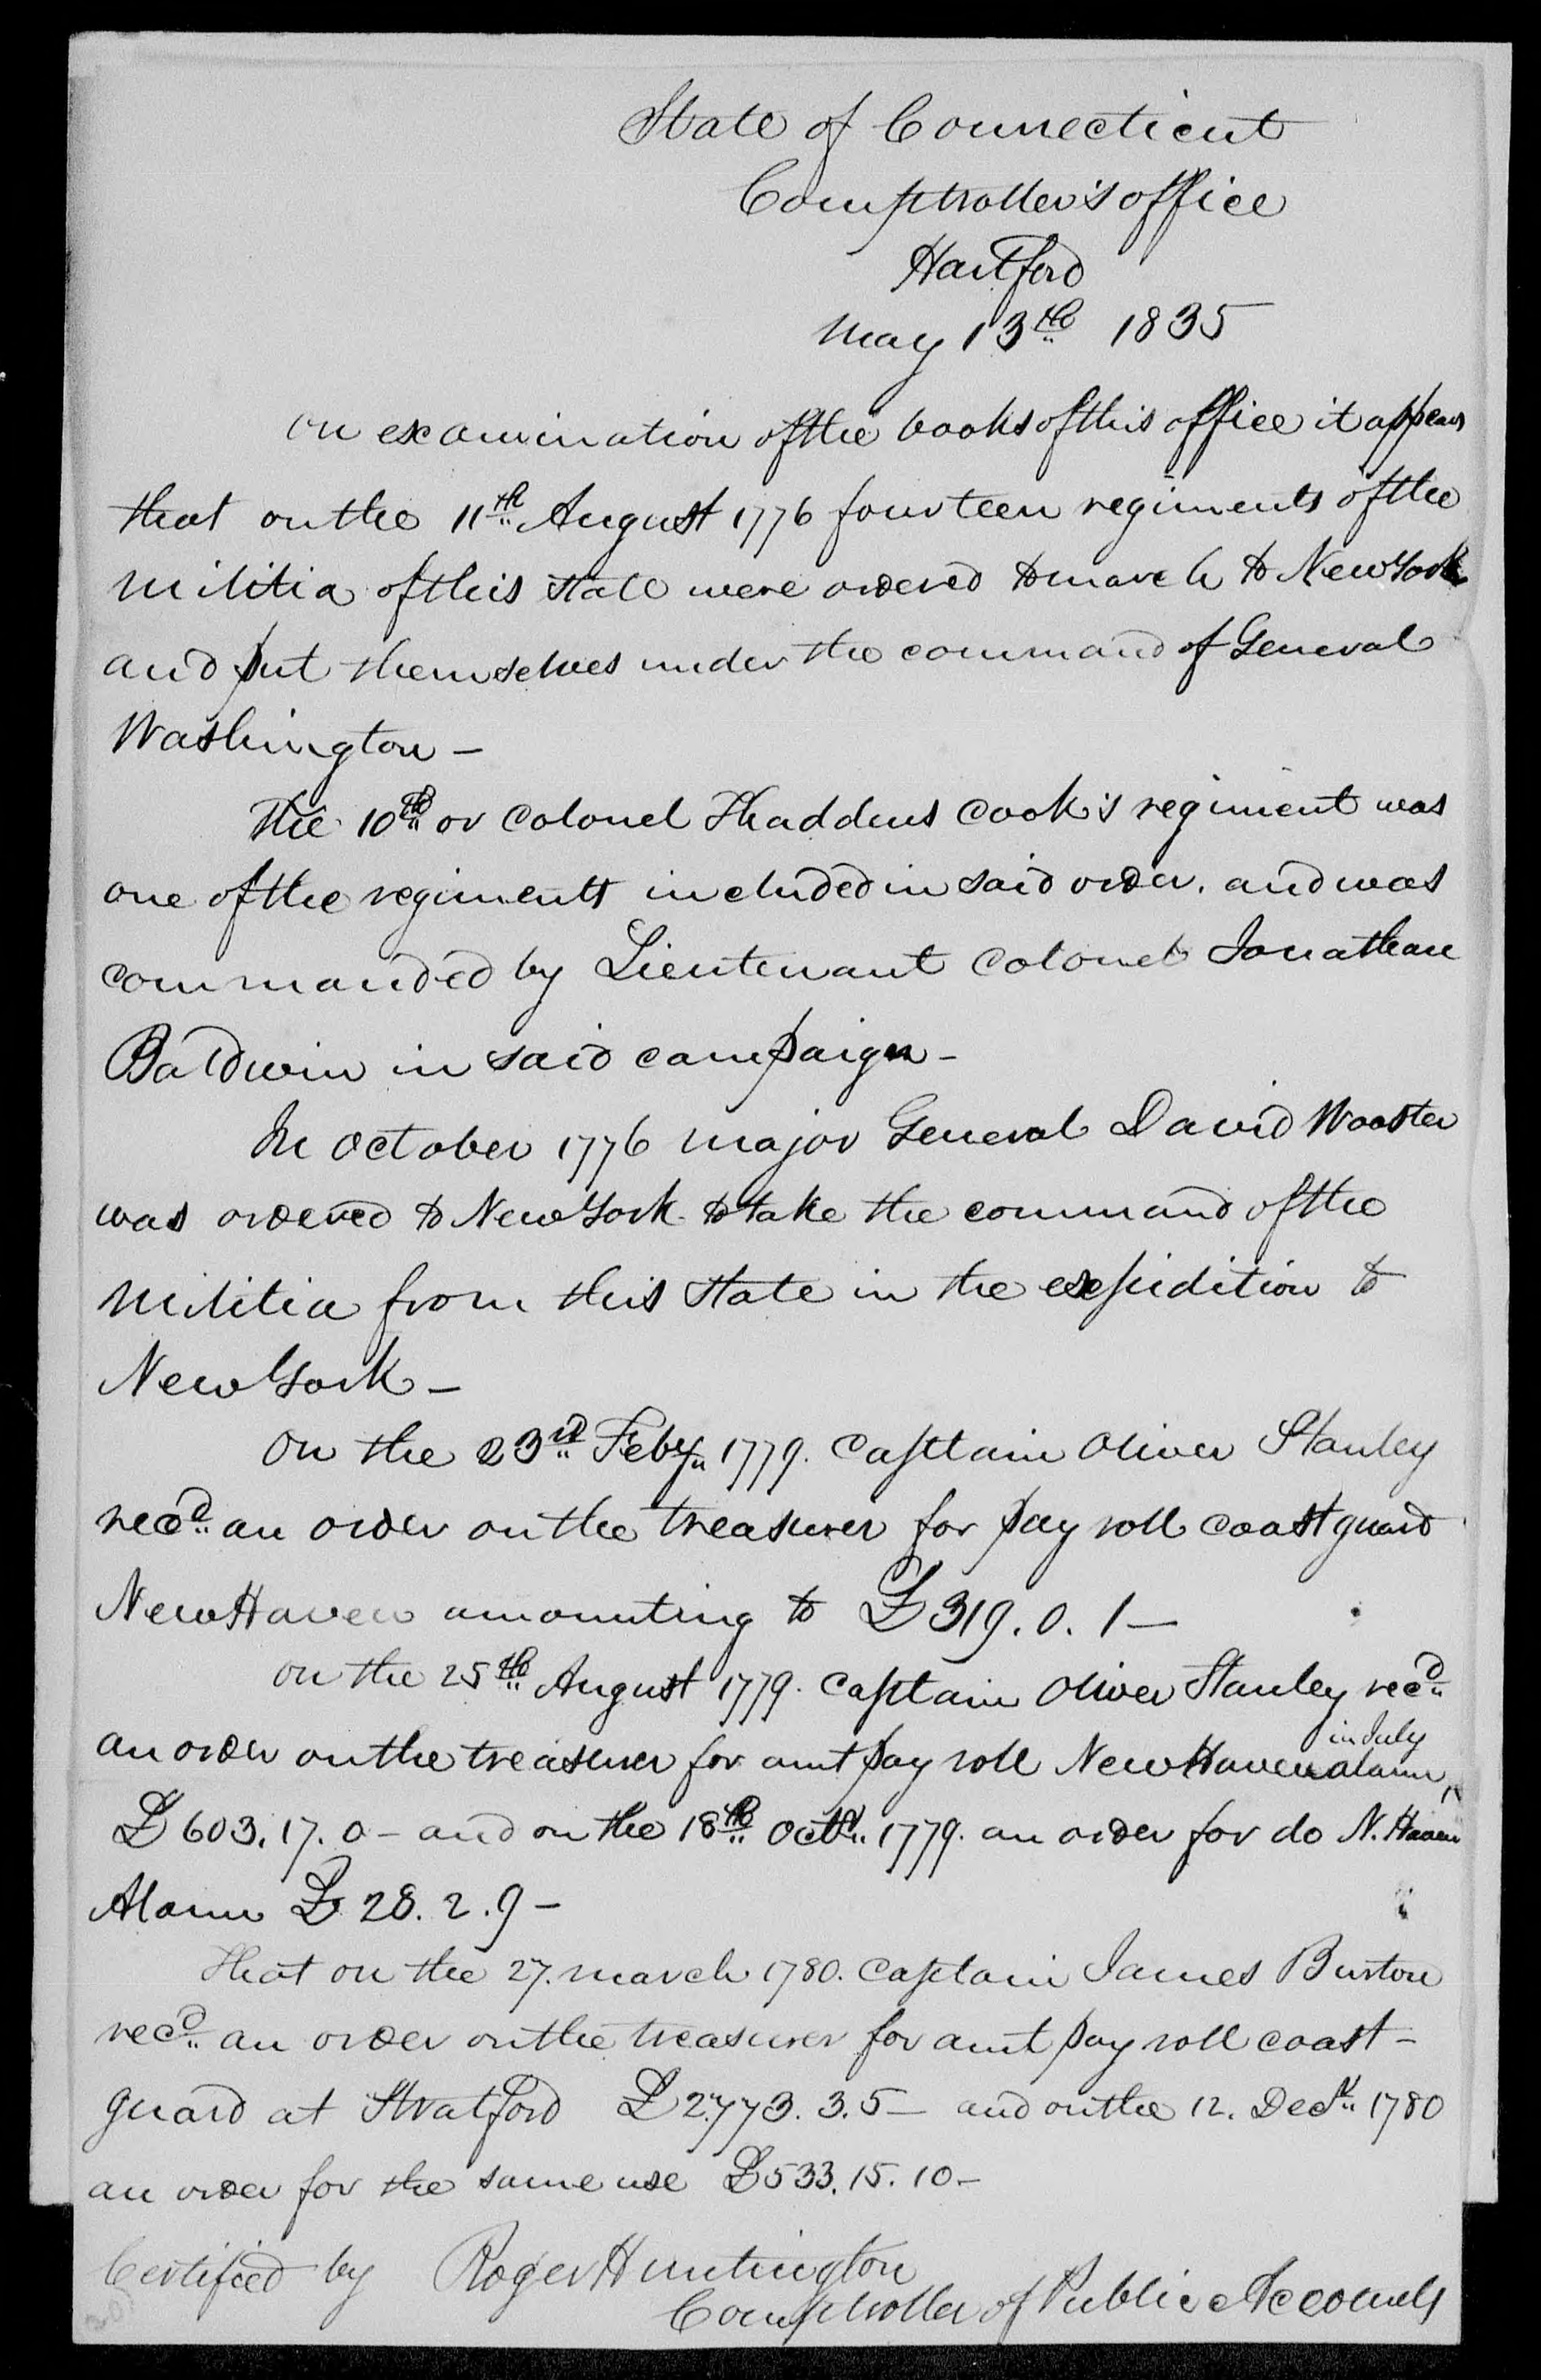State of Connecticut
Comptroller's Office
Hartford
May 13th1835
On examination of the books of this office it appears that on the 11th August 1776 fourteen regiments of the militia of this state were ordered to march to New York and put themselves under the command of General Washington -
The 10th or Colonel Thaddeus Cook's regiment was one of the regiments included in said order, and was commanded by Lieutenant Colonel Jonathan Baldwin in said campaign-
In October 1776 Major General David Wooster was ordered to New York to take the command of the militia from this state in the expedition to New York-
On the 23rd Feby, 1779 Captain Oliver Hawley recd an order on the treasurer for pay roll coast guard New Haven amounting to $319.0.1-
On the 25th August 1779 Captain Oliver Stanley recd an order on the treasurer for the amount pay roll New Haven's claim in July $28.2.9-
That on the 27 March 1780. Captain James Burton recd an order on the treasurer for amount pay roll coast guard at Stratford $2773.3.5- and on the 12 Dec 1780 an order for the same use $533.14.10-
Certified by Roger Huntington Comptroller of Public Records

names: David Wooster, Roger Huntington, James Burton, Oliver Stanley, Jonathan Baldwin, Oliver Stanley, Washington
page: 29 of 76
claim: widow's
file: W. 5,250, Timothy Coe, Conn.